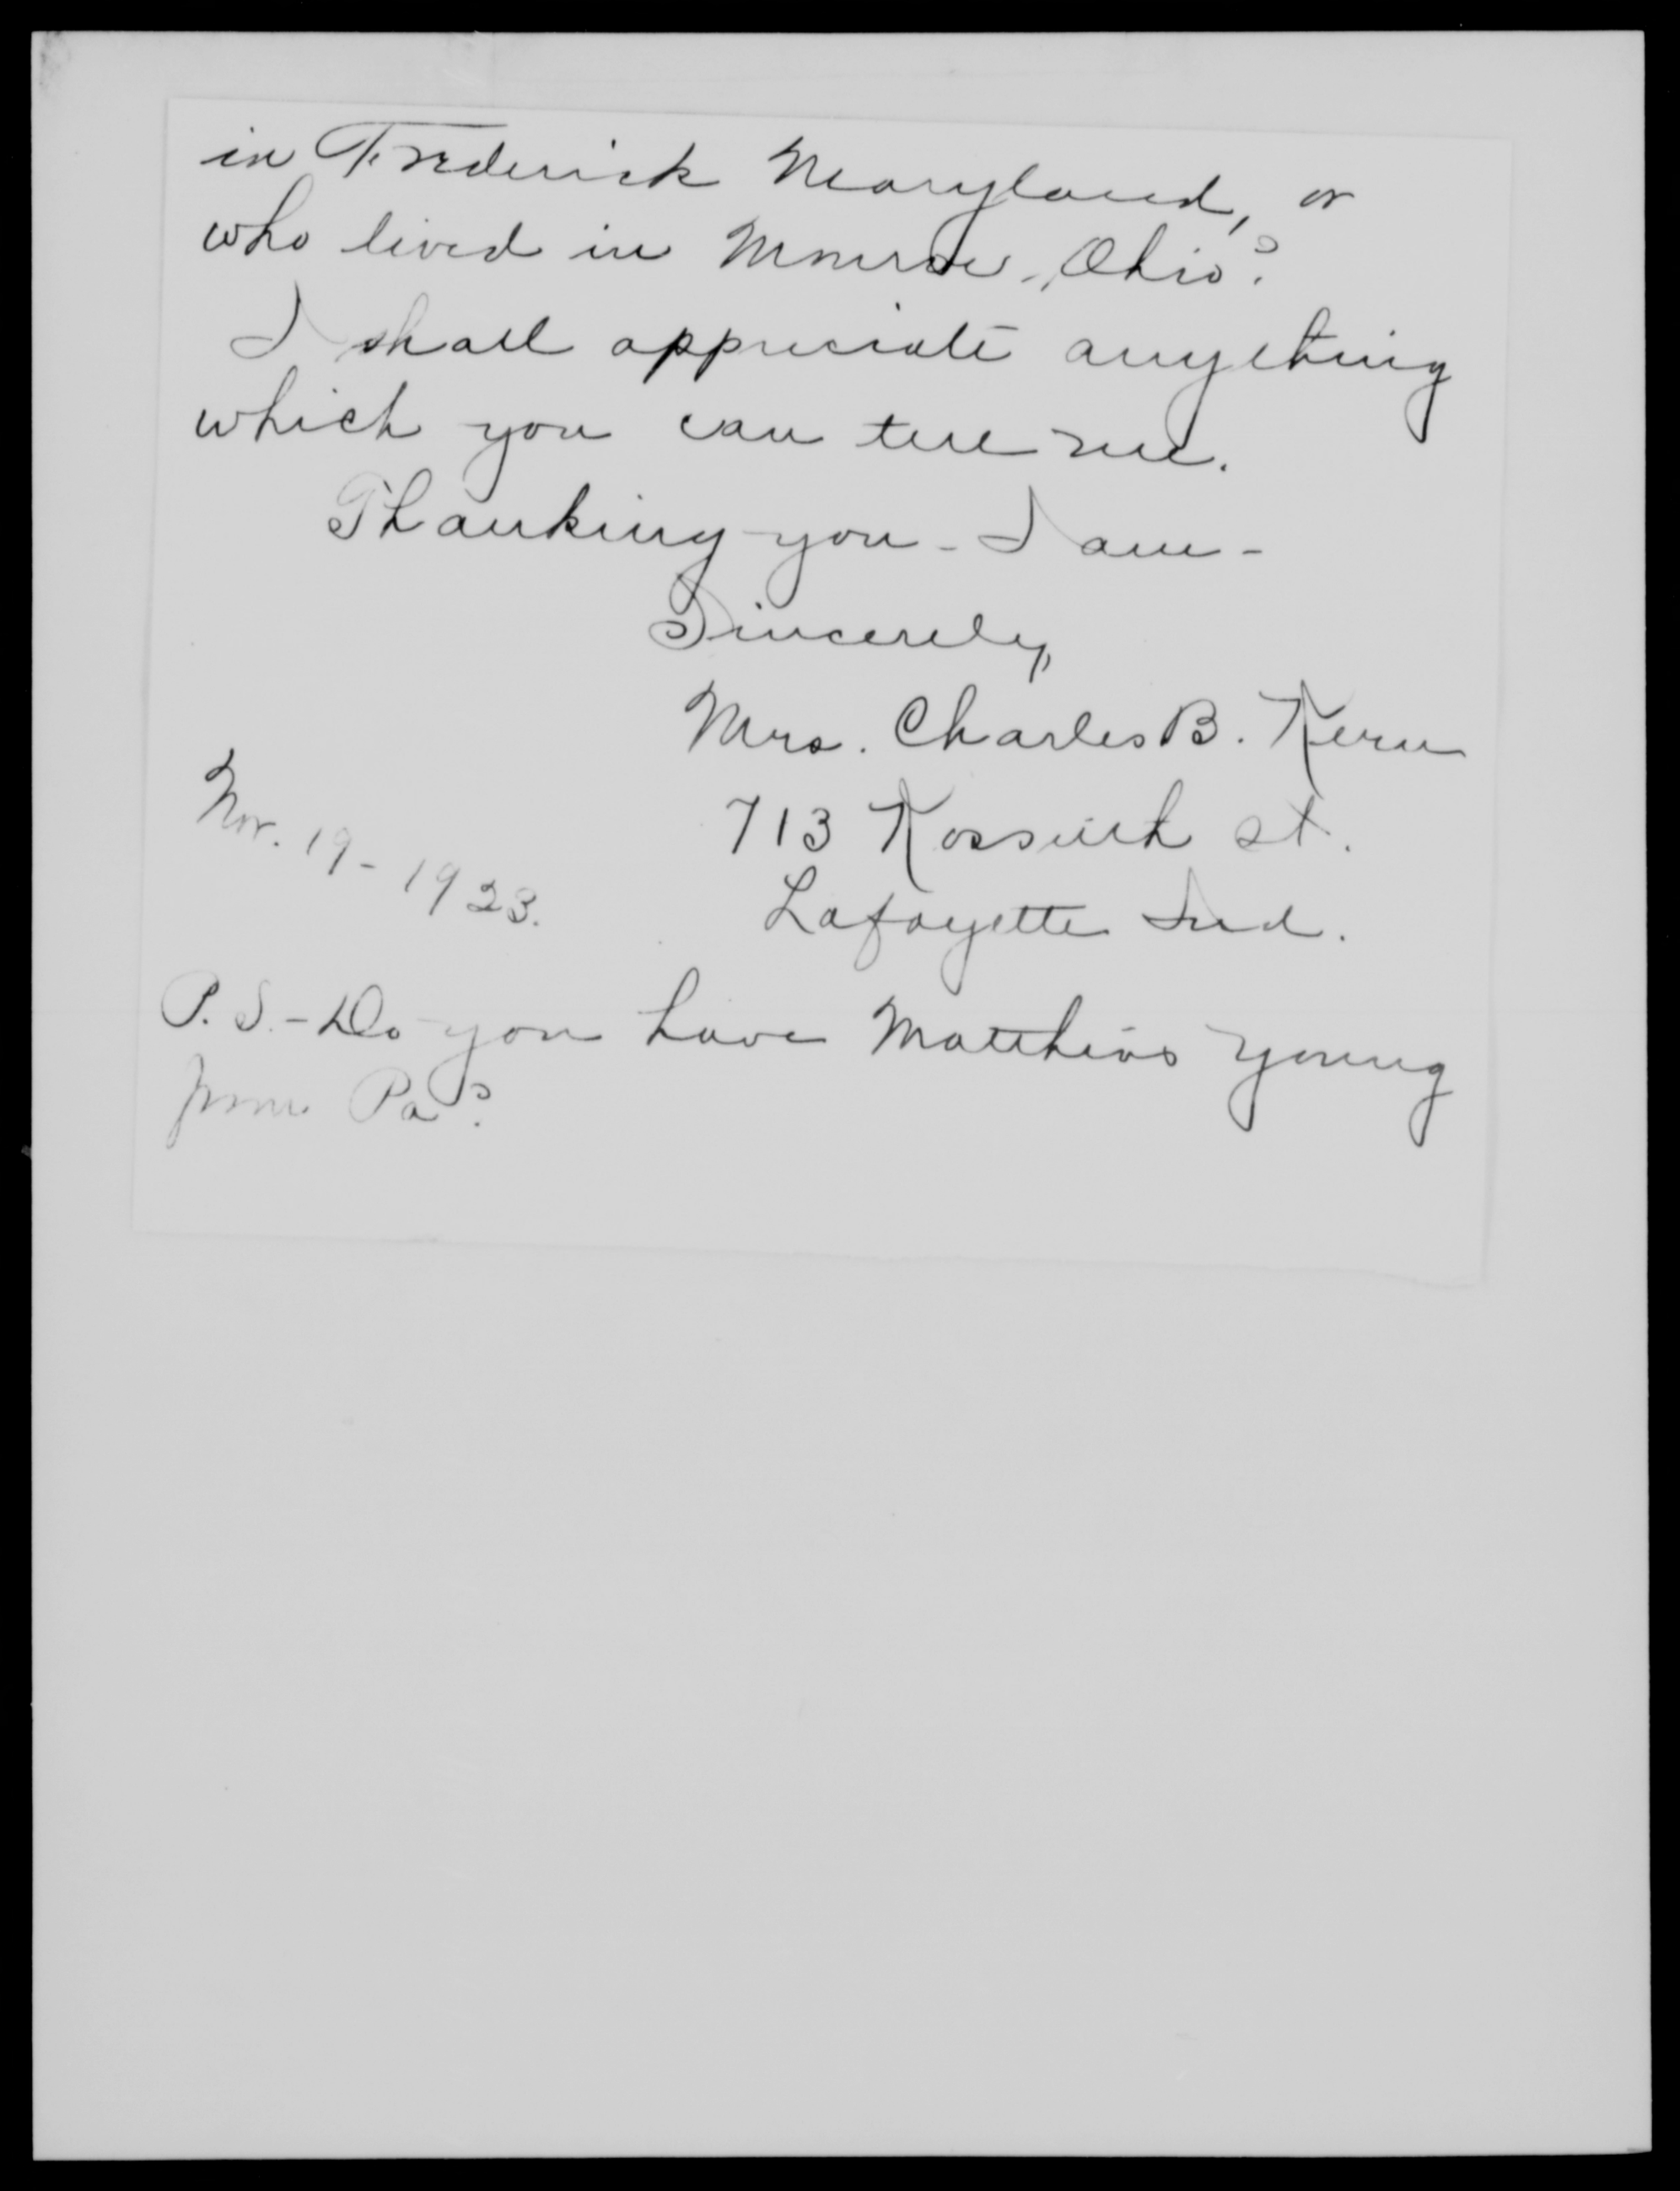in Frederick Maryland or
who lived in Monroe, Ohio?
I shall appreciate anything
which you can tell me.
Thanking you I am
Sincerely
Mrs. Charles B. Kern
713 Rosseth st
Lafayette Ind
P.S. Do you have Matthias Young
from Pa?

Nov. 19, 1923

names: Matthias Young, Charles B Kern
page: 63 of 123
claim: rejected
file: R. 11,949, Matthias Young, Md.